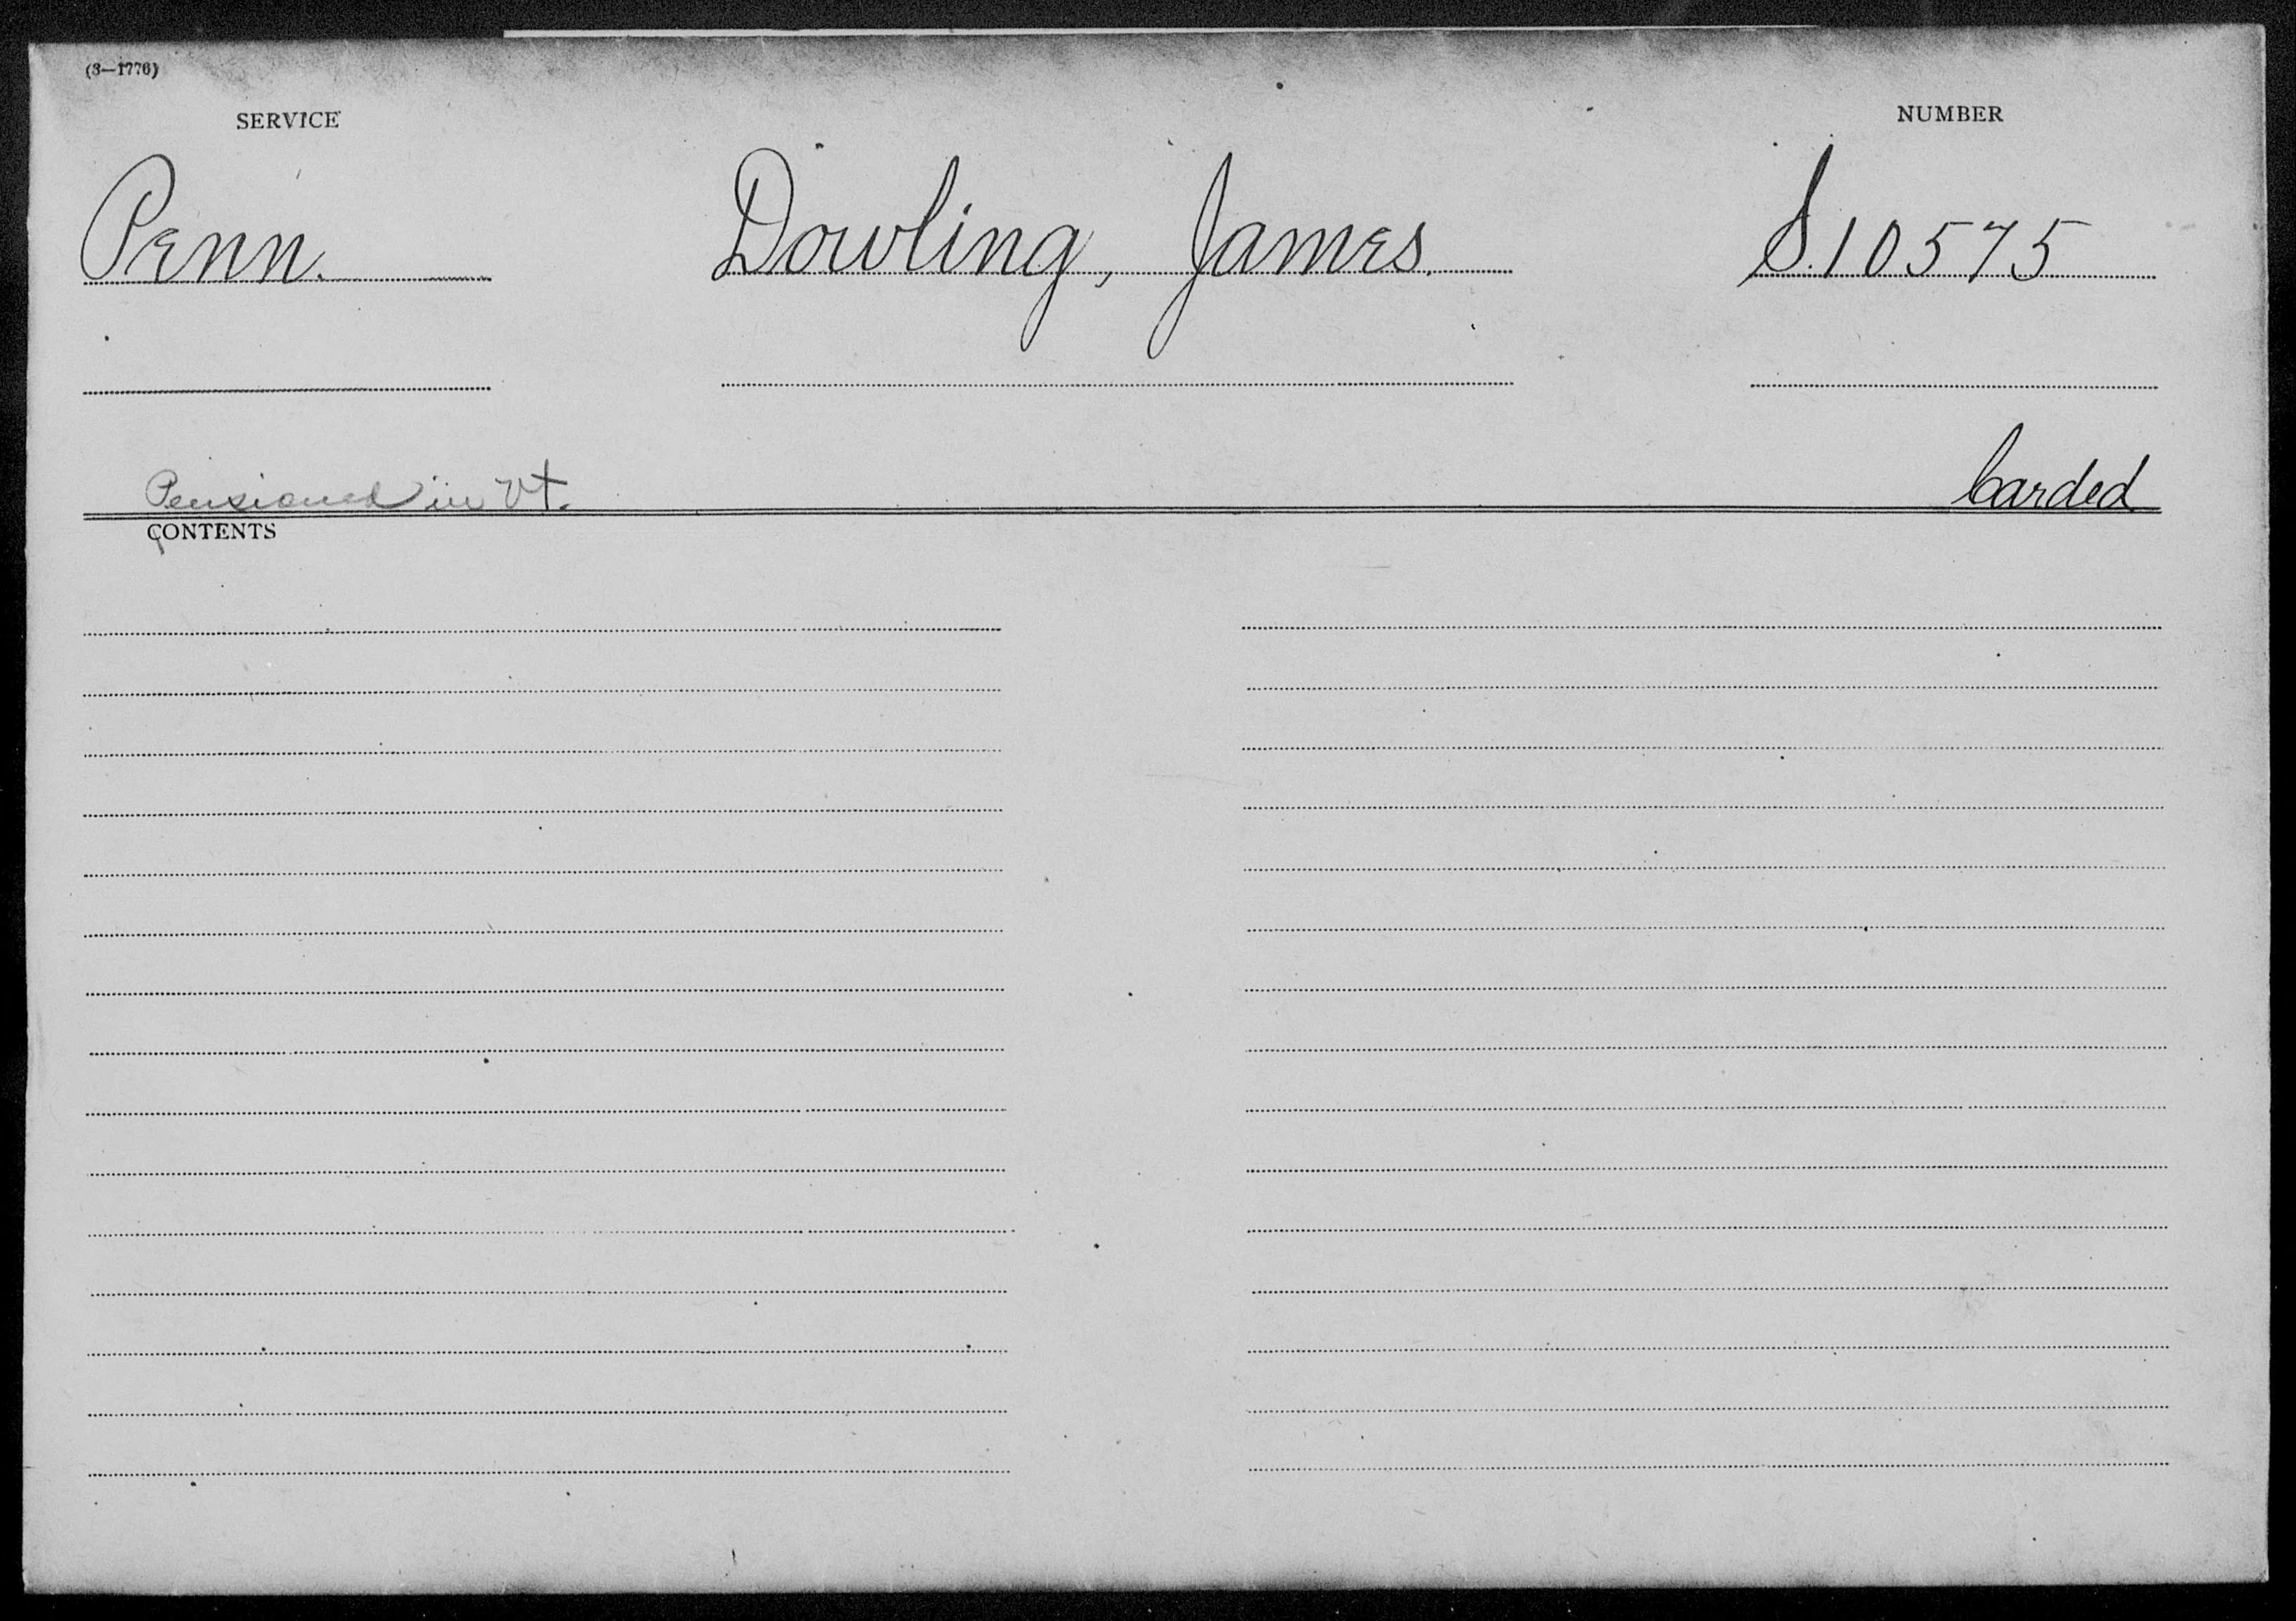(3-1776)

Service Penn.
Dowling, James
Number S 10575

Pensioner in Vt.
Carded
-------------------------
CONTENTS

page: 1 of 17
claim: survivor's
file: S. 10575, James Dowling, Penn.